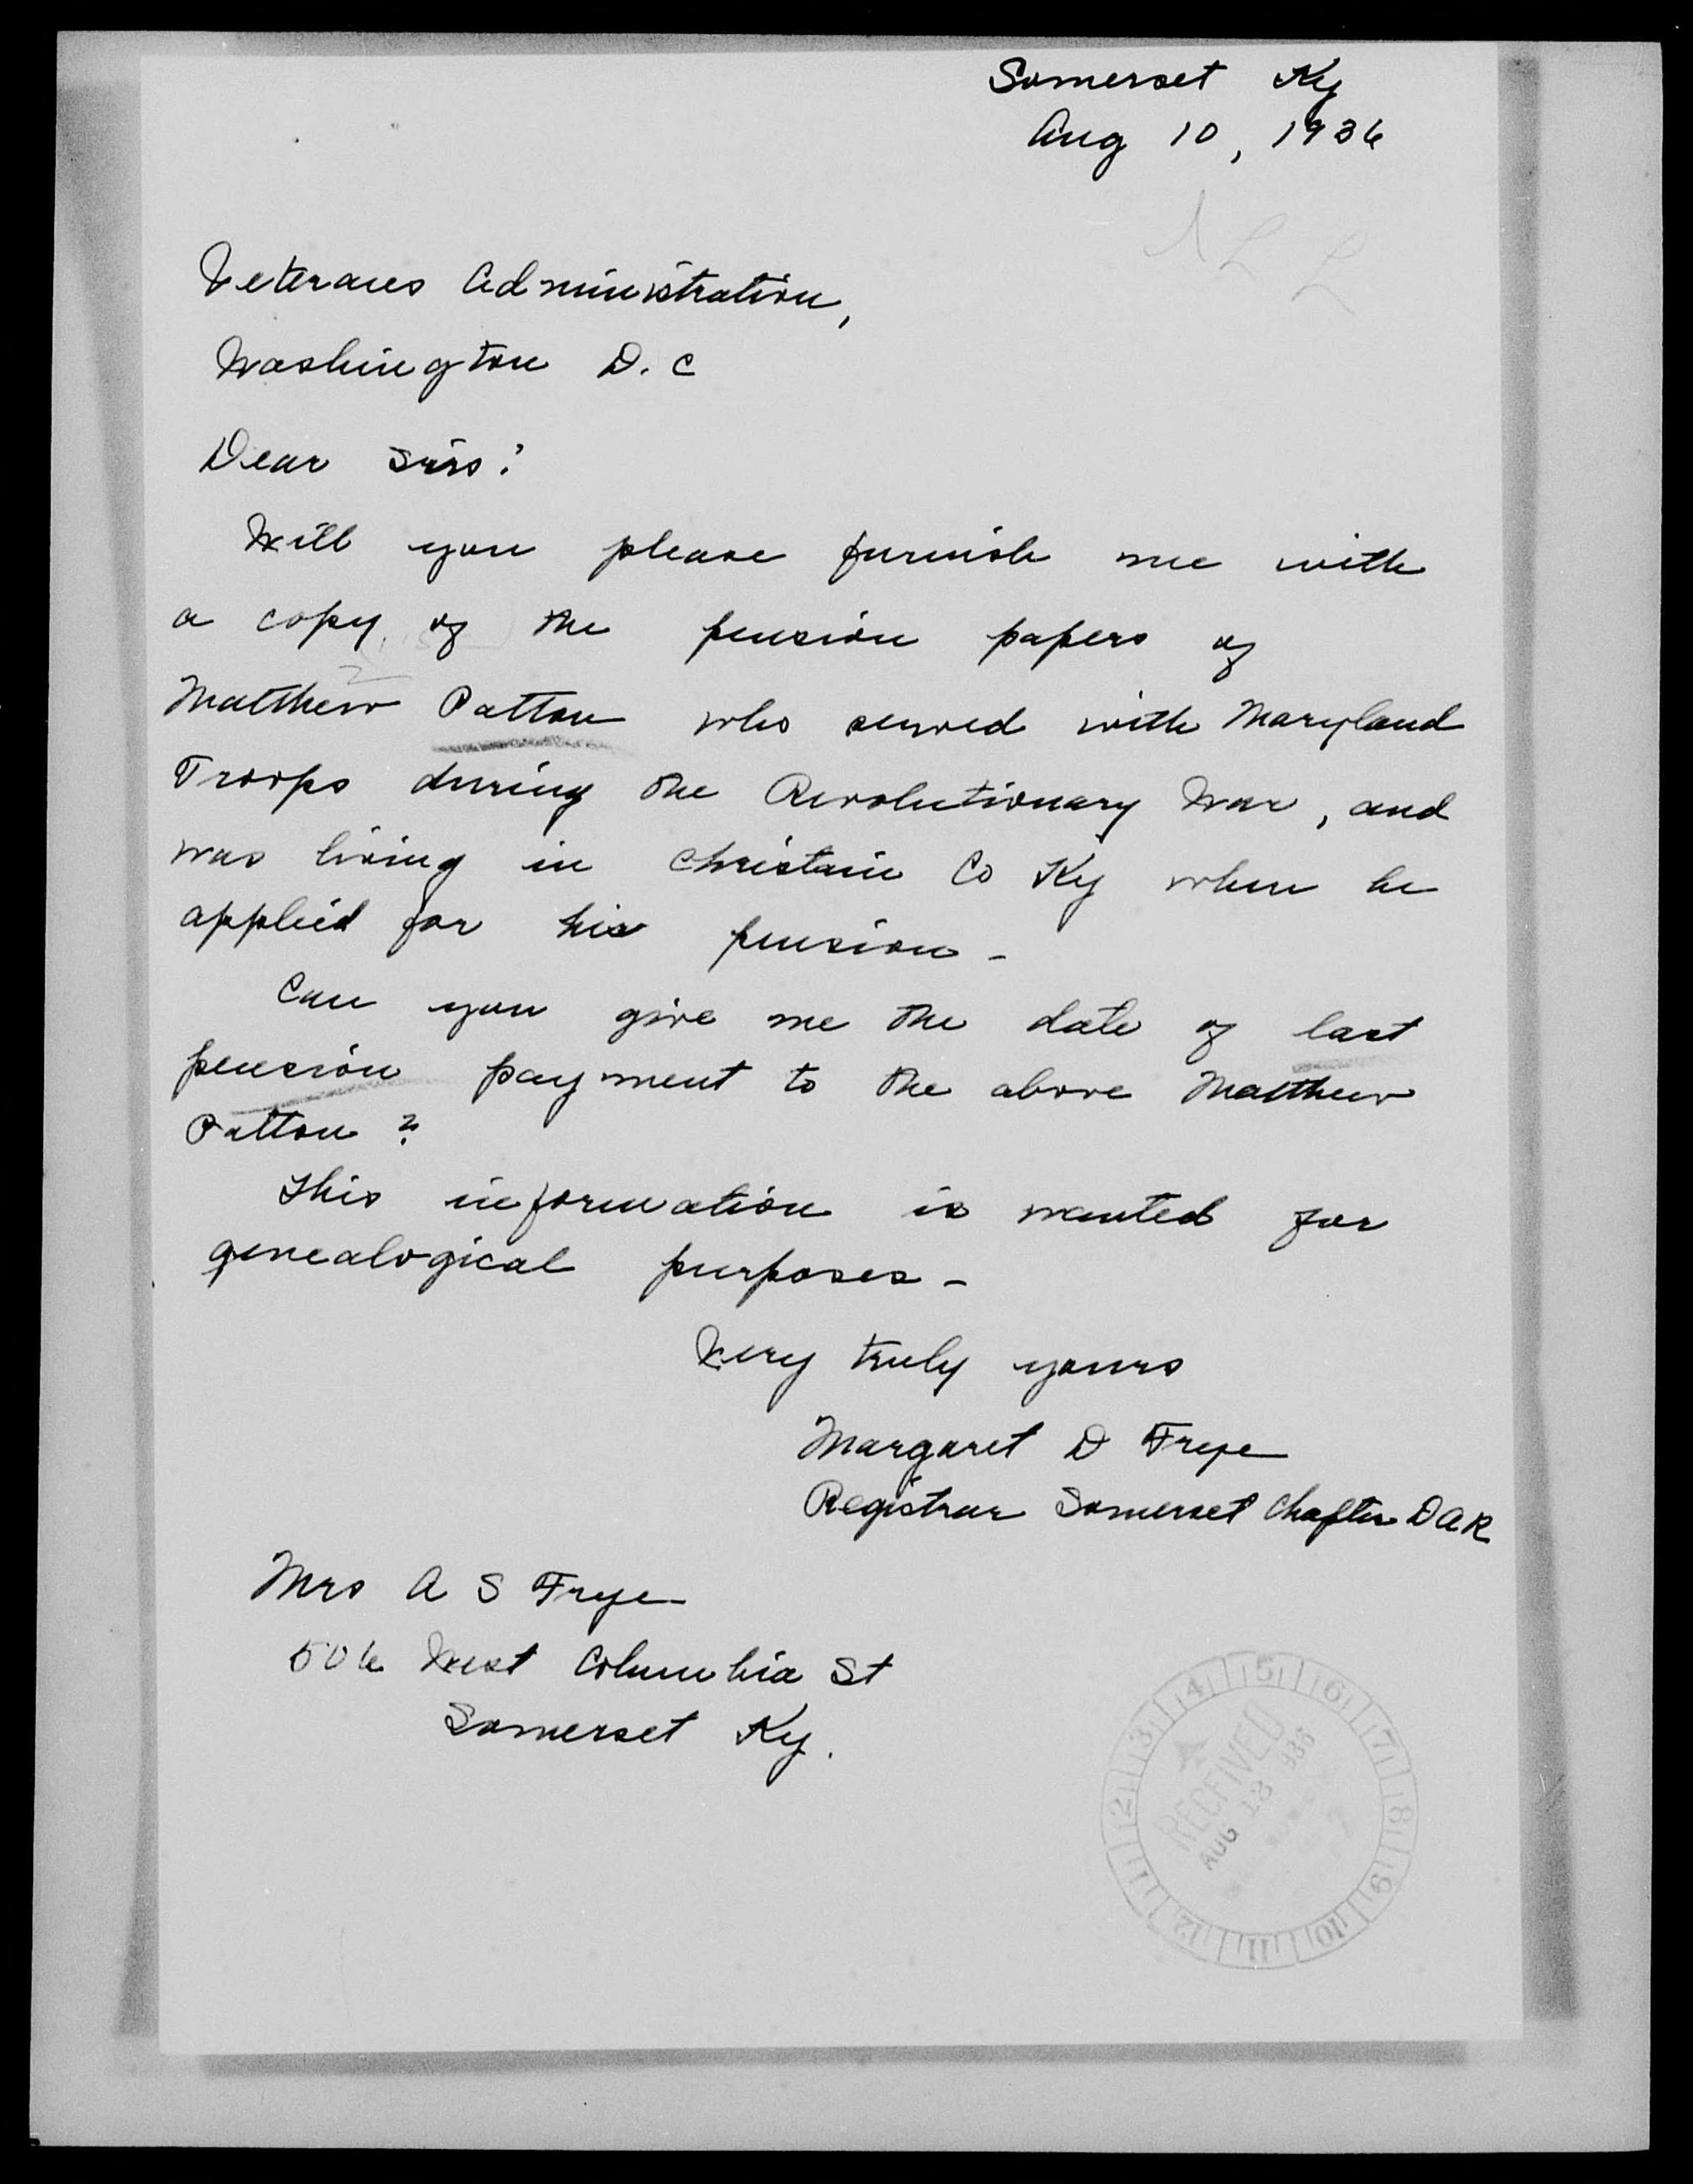Somerset, Ky
Aug 10, 1934

Veterans Administration,
Washington, D.C.

Dear Sirs:

Will you please furnish me with a copy of the pension papers of Matthew Patton who served with Maryland Troops during the Revolutionary War, and was living in Christian Co. Ky when he applied for his pension.

Can you give me the date of last pension payment to the above Matthew Patton?

This information is wanted for genealogical purposes.

Very truly yours,
Margaret D. Frye
Registrar Somerset Chapter D.A.R.

Mrs. A. S. Frye
506 East Columbia St
Somerset, Ky.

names: Matthew Patton; Margaret D Frye; Samuel Chapter; A S Frye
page: 27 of 45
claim: survivor's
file: S. 31294, for Matthew Patton, Maryland